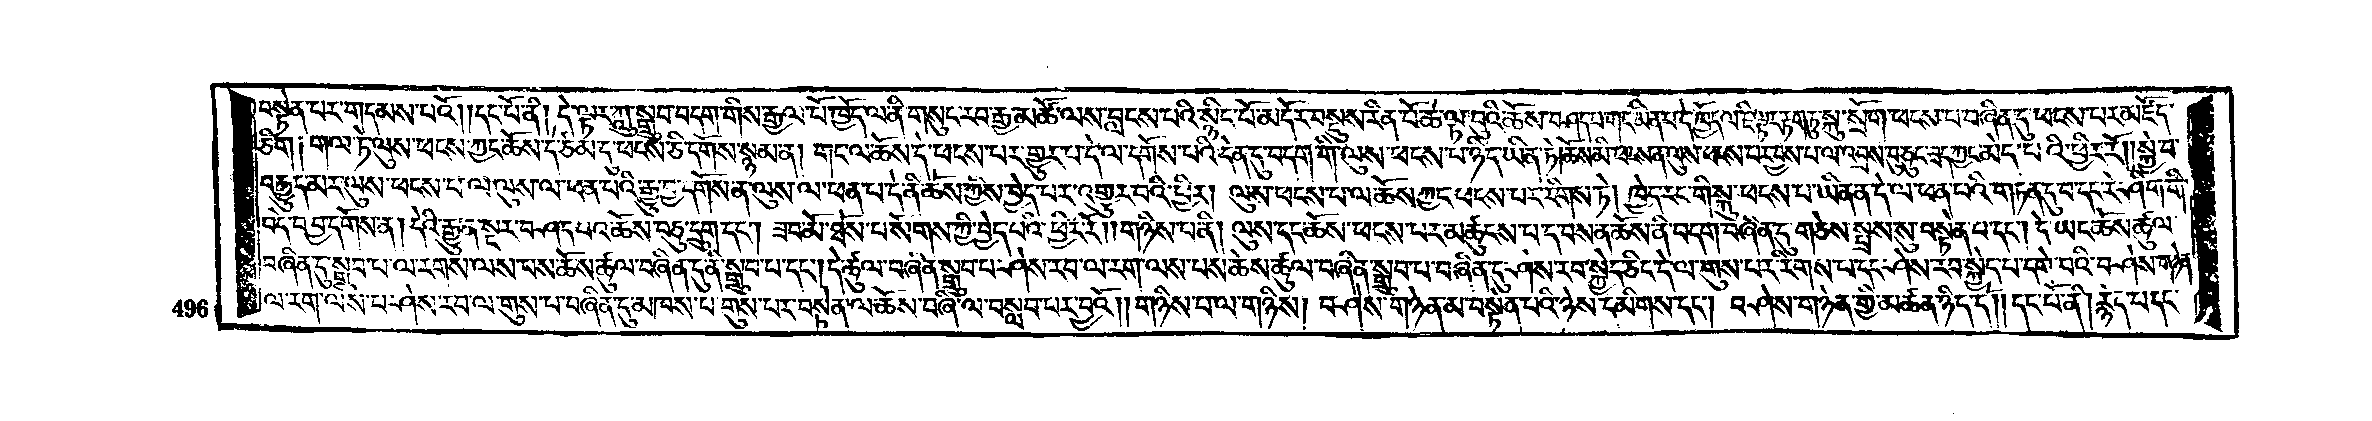བསྟེན་པར་གདམས་པའོ། །དང་པོ་ནི། དེ་ལྟར་ཀླུ་སྒྲུབ་བདག་གིས་རྒྱལ་པོ་ཁྱོད་ལ་ནི་གསུང་རབ་རྒྱ་མཚོ་ལས་བླངས་པའི་སྙིང་པོ་མདོར་བསྡུས་རིན་པོ་ཆེ་ལྟ་བུའི་ཆོས་བཤད་པ་གང་ཡིན་པ་དེ་ཁྱོད་ལ་ཇི་ལྟར་རྟག་ཏུ་སྐུ་སྲོག་ཕངས་པ་བཞིན་དུ་ཕངས་པར་མཛོད་
ཅིག །གལ་ཏེ་ལུས་ཕངས་ཀྱང་ཆོས་དེ་ཙམ་དུ་ཕངས་ཅི་དགོས་སྙམ་ན། གང་ལ་ཆོས་དེ་ཕངས་པར་གྱུར་པ་དེ་ལ་དགོས་པའི་དོན་དུ་བདག་གི་ལུས་ཕངས་པ་ཉིད་ཡིན་ཏེ། ཆོས་མི་ཕངས་པར་བྱས་པ་ལ་འབྲས་བུ་ཅུང་ཟད་ཡང་མེད་པའི་ཕྱིར་རོ། །སྐྱེ་བ་
བརྒྱུད་མར་ལུས་ཕངས་པ་ལ་ལུས་ལ་ཕན་པའི་རྒྱུ་བྱ་དགོས་ན་ལུས་ལ་ཕན་པ་དེ་ནི་ཆོས་ཀྱིས་བྱེད་པར་འགྱུར་བའི་ཕྱིར། ལུས་ཕངས་པ་ལ་ཆོས་ཀྱང་ཕངས་པར་རིགས་ཏེ། ཁྱེད་རང་གི་སྐུ་ཕངས་པ་ཡིན་ན་དེ་ལ་ཕན་པའི་གཏན་དུ་བ་དང་རེ་ཤིག་གི་བདེ་བ་བྱ་དགོས་ན། དེའི་རྒྱུ་ན་སྔར་བཤད་པའི་ཆོས་བཅུ་དྲུག་དང་། ཟབ་མོ་ཐོས་པ་སོགས་ཀྱི་བྱེད་པའི་ཕྱིར་རོ། །གཉིས་པ་ནི། ལུས་དང་བཅོས་ཕངས་པར་མཚུངས་པ་དེ་བས་ན་ཆོས་ནི་བདག་བཞིན་དུ་གཅེས་སྤྲས་སུ་བསྟེན་པ་དང་། དེ་ཡང་ཆོས་ཚུལ་
བཞིན་དུ་སྒྲུབ་པ་ལ་རགས་ལས་པས་ཆོས་ཚུལ་བཞིན་དུ་ནི་སྒྲུབ་པ་དང་། དེ་ཚུལ་བཞིན་སྒྲུབ་པ་ཤེས་རབ་ལ་རག་ལས་པས་ཆོས་ཚུལ་བཞིན་སྒྲུབ་པ་བཞིན་དུ་ཤེས་རབ་སྐྱེད་ཅིང་དེ་ལ་གུས་པར་རིགས་པ་དང་ཤེས་རབ་སྐྱེད་པ་དགེ་བའི་བཤེས་གཉེན་
ལ་རག་ལས་པ་ཤེས་རབ་ལ་གུས་པ་བཞིན་དུ་མཁས་པ་གུས་པར་བསྟེན་ལ་ཆོས་བཞི་ལ་བསླབ་པར་བྱའོ། །གཉིས་པ་ལ་གཉིས། བཤེས་གཉེན་མ་བསྟེན་པའི་ཉེས་དམིགས་དང་། བཤེས་གཉེན་གྱི་མཚན་ཉིད་དོ། །དང་པོ་ནི། རྙེད་པ་དང་།